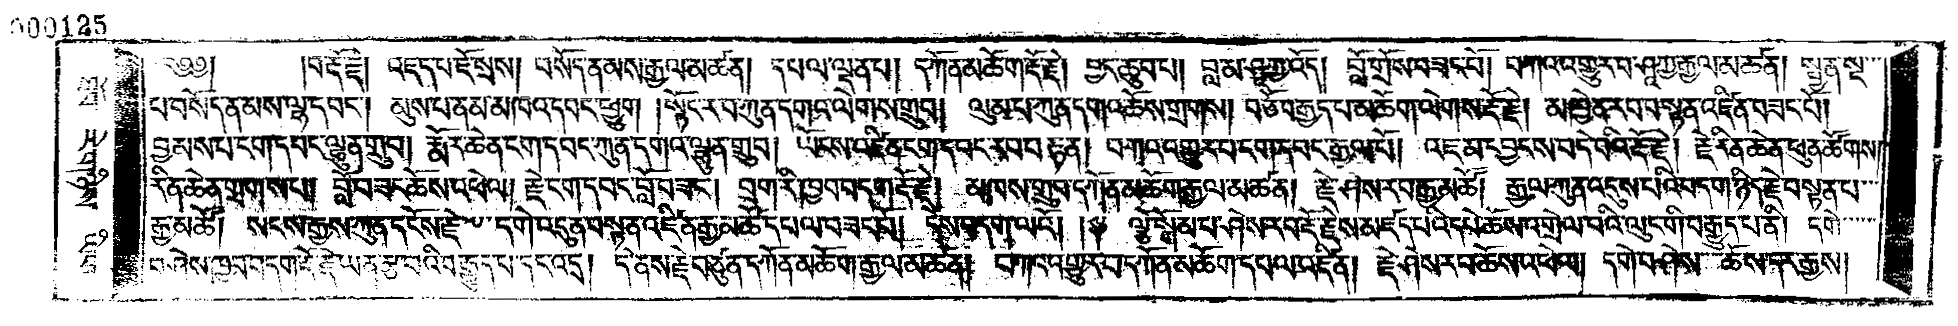༄༅། །བ་རྡོ་རྗེ། འཇད་པ་ཇོ་སྲས། བསོད་ནམས་རྒྱལ་མཚན། དཔལ་ལྡན་པ། དཀོན་མཆོག་རྡོ་རྗེ། བྱང་ཆུབ་པ། བླ་མ་ཤཱཀྱ་འོད། བློ་གྲོས་བཟང་པོ། བཀའ་འགྱུར་བ་ཤཱཀྱ་རྒྱལ་མཚན། སྤྱན་སྔ་
པ་བསོད་ནམས་ལྷ་དབང་། མུས་པ་ནམ་མཁའ་དབང་ཕྱུག། སྟོང་ར་བ་ཀུན་དགའ་ལེགས་གྲུབ། ལུམ་པ་ཀུན་དགའ་ཆོས་གྲགས། བཅོ་བརྒྱད་པ་མཆོག་ལེགས་རྡོ་རྗེ། མཁྱེན་རབ་བསྟན་འཛིན་བཟང་པོ།
བྱམས་པ་ངག་དབང་ལྷུན་གྲུབ། རྨོར་ཆེན་ངག་དབང་ཀུན་དགའ་ལྷུན་གྲུབ། ཡོངས་འཛིན་ངག་དབང་རབ་བརྟན། བཀའ་འགྱུར་བ་ངག་དབང་རྒྱལ་པོ། འཇམ་དབྱངས་བདེ་བའི་རྡོ་རྗེ། རྗེ་རིན་ཆེན་ཕུན་ཚོགས།
རིན་ཆེན་གྲགས་པ། བློ་བཟང་ཆོས་འཕེལ། རྗེ་ངག་དབང་བློ་བཟང་། བྲག་རི་ཁྱབ་བདག་རྡོ་རྗེ། མཁས་གྲུབ་དཀོན་མཆོག་རྒྱལ་མཚན། རྗེ་ཤེས་རབ་རྒྱ་མཚོ། རྒྱལ་ཀུན་འདུས་པའི་བདག་ཉིད་རྗེ་བསྟན་པ་
རྒྱ་མཚོ། སངས་རྒྱས་ཀུན་དངོས་རྗེ་དགེ་འདུན་བསྟན་འཛིན་རྒྱ་མཚོ་དཔལ་བཟང་པོ། དེས་བདག་ལའོ། །༈ ལྕེ་སྒོམ་པ་ཤེས་རབ་རྡོ་རྗེས་མཛད་པའི་དཔེ་ཆོས་འགྲེལ་པའི་ལུང་གི་བརྒྱུད་པ་ནི། དགེ་
བཤེས་ཁྱབ་བདག་རྡོ་རྗེ་ཡན་རྩ་བའི་བརྒྱུད་པ་དང་འདྲ། དེ་ནས་རྗེ་བཙུན་དཀོན་མཆོག་རྒྱལ་མཚན། བཀའ་འགྱུར་བ་དཀོན་མཆོག་དཔལ་འཛིན། རྗེ་ཤེས་རབ་ཆོས་འཕེལ། དགེ་བཤེས་ཆོས་དར་རྒྱས།